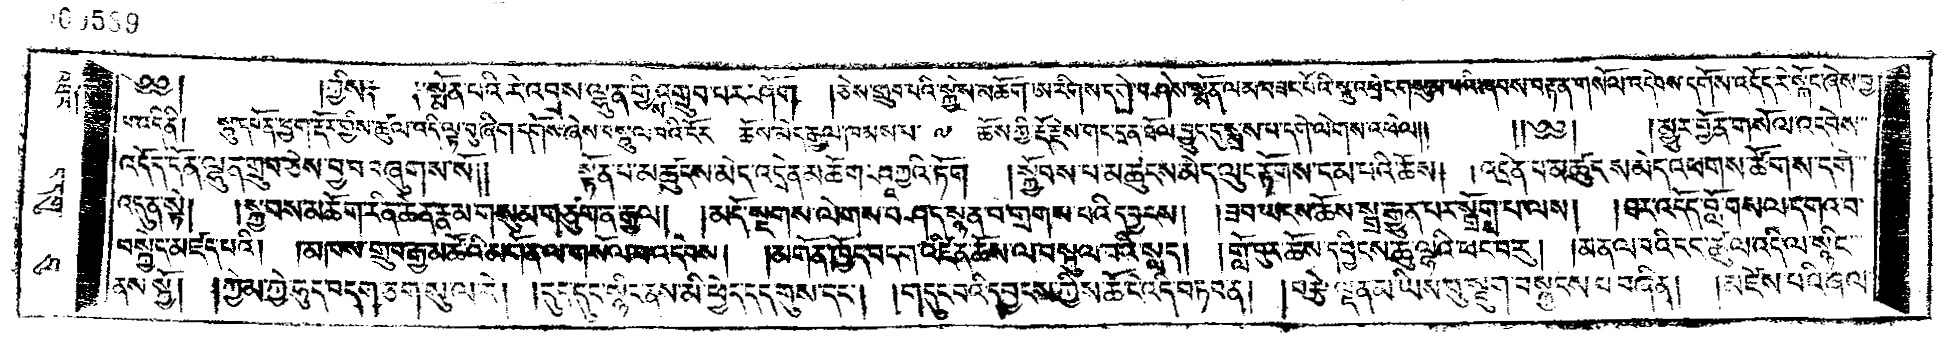༄༅། །ཀྱིས༑ ༑སྨོན་པའི་རེ་འབྲས་ལྷུན་གྱིས་འགྲུབ་པར་ཤོག །ཅེས་གྲུབ་པའི་སྐྱེས་མཆོག་ཨ་རིགས་དགེ་བཤེས་སྨོན་ལམ་བཟང་པོའི་སྐུ་འཕྲེང་གསུམ་པའི་ཞབས་བརྟན་གསོལ་འདེབས་དགོས་འདོད་རེ་སྐོང་ཞེས་བྱ་
བ་འདི་ནི། སྐུ་དཔོན་ཕྱག་རྡོར་གྱིས་ཚུལ་འདི་ལྟ་བུ་ཞིག་དགོས་ཞེས་བསྐུལ་བའི་ངོར་ཆོས་མེད་རྒྱལ་ཁམས་པ་༧་ཆོས་ཀྱི་རྡོ་རྗེས་གང་དྲན་ཐོལ་བྱུང་དུ་སྨྲས་པ་དགེ་ལེགས་འཕེལ།། །། ༄༅། །མྱུར་བྱོན་གསོལ་འདེབས་
འདོད་དོན་ལྷུན་གྲུབ་ཅེས་བྱ་བ་བཞུགས་སོ།། སྟོན་པ་མཚུངས་མེད་འདྲེན་མཆོག་ཤཱཀྱའི་ཏོག །སྐྱོབས་པ་མཚུངས་མེད་ལུང་རྟོགས་དམ་པའི་ཆོས། །འདྲེན་པ་མཚུངས་མེད་འཕགས་ཚོགས་དགེ་
འདུན་སྟེ། །སྐྱབས་མཆོག་རིན་ཆེན་རྣམ་གསུམ་གཙུག་ན་རྒྱལ། །མདོ་སྔགས་ལེགས་བཤད་སྙན་པ་གྲགས་པའི་དབྱངས། །ཟབ་ཡངས་ཆོས་སྒྲ་རྒྱུན་པར་སྒྲོགས་པ་ལས། །ཐར་འདོད་བློ་གསལ་དགའ་བ་
བསྐྱེད་མཛད་པའི། །མཁས་གྲུབ་རྒྱ་མཚོའི་མགོན་ལ་གསོལ་བ་འདེབས། །མགོན་ཁྱོད་བདག་འཛིན་ཆོས་ལ་བསྐུལ་བའི་སླད། །གློ་བུར་ཆོས་དབྱིངས་ཆུ་ལྷའི་ཕང་བ་རུ། །མནལ་བའི་ངང་ཚུལ་འདི་ལ་སྙིང་
ནས་སྐྱོ། །ཀྱེ་མ་ཀྱེ་ཧུད་བདག་ཅག་སུ་ལ་རེ། །དུང་དུང་སྙིང་ནས་མི་ཕྱེད་དད་གུས་དང་། །གདུང་བའི་དབྱངས་ཀྱིས་ཆོ་ངེ་འདི་བཏབ་ན། །བརྩེ་ལྡན་མ་ཡིས་བུ་སྡུག་བསྐྱངས་པ་བཞིན། །མཛེས་པའི་ཞལ་